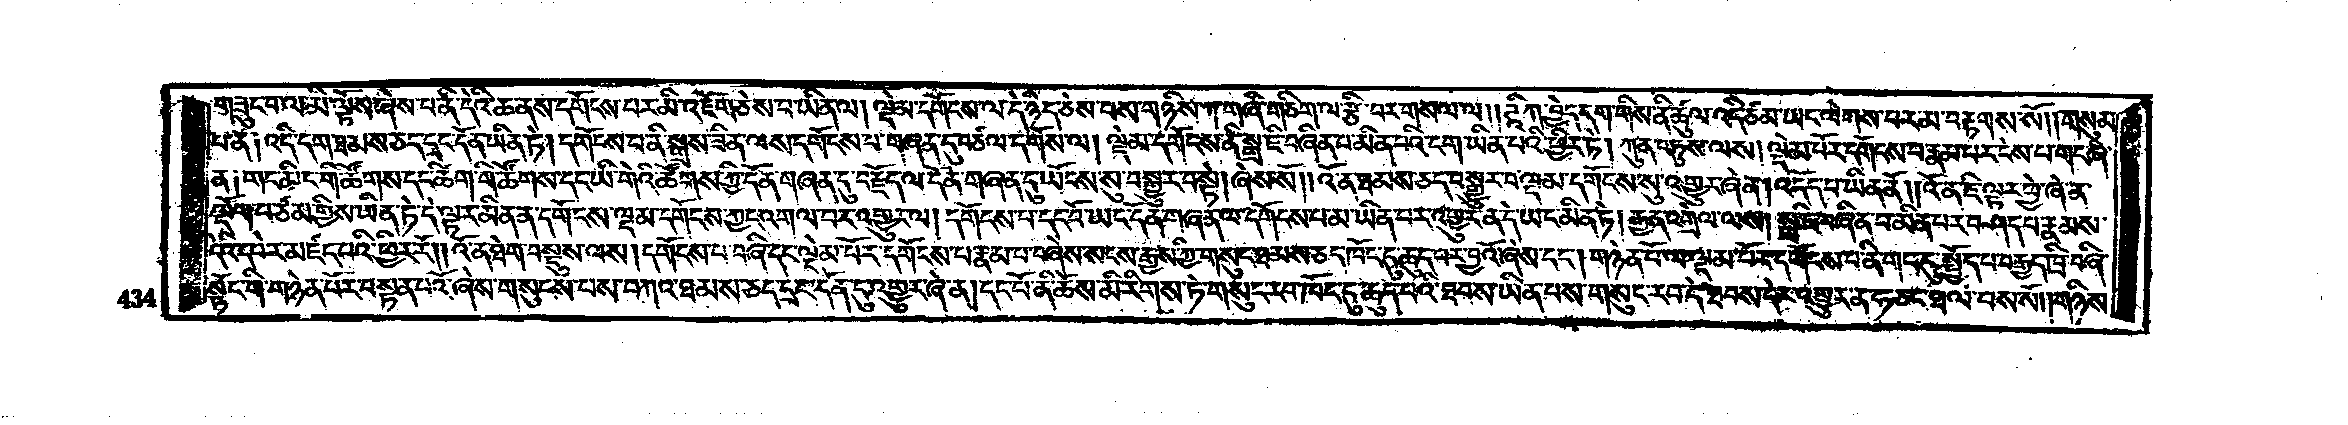གཟུང་བ་ལ་མི་ལྟོས་ཞེས་པ་ནི་དེའི་ཆ་ནས་དགོངས་པར་མི་འཇོག་ཅེས་པ་ཡིན་ལ། ལྡེམ་དགོངས་ལ་དེ་ཉིད་ཅེས་པས་གཉིས་ཀ་གཞི་གཅིག་ལ་རྩི་བར་གསལ་ལོ། །ཊཱིཀ་བྱེད་དག་གིས་ནི་ཚུལ་འདི་ཙམ་ཡང་ལེགས་པར་མ་བརྟགས་སོ། །གསུམ་
པ་ནི། འདི་དག་ཐམས་ཅད་དྲང་དོན་ཡིན་ཏེ། དགོངས་པ་ནི་སྒྲས་ཟིན་ལས་དགོངས་པ་གཞན་དུ་བཙལ་དགོས་ལ། ལྡེམ་དགོངས་ནི་སྒྲ་ཇི་བཞིན་པ་མིན་པའི་ངག་ཡིན་པའི་ཕྱིར་ཏེ། ཀུན་བཏུས་ལས། ལྡེམ་པོར་དགོངས་པ་རྣམ་པར་ངེས་པ་གང་ཞི་
ན། གང་མིང་གི་ཚོགས་དང་ཚིག་གི་ཚོགས་དང་ཡི་གེའི་ཚོགས་ཀྱི་དོན་གཞན་དུ་བརྗོད་ལ་དོན་གཞན་དུ་ཡོངས་སུ་བསྒྱུར་བ་སྟེ། ཞེས་སོ། །འོ་ན་ཐམས་ཅད་བསྒྱུར་བ་ལྡམ་དགོངས་སུ་འགྱུར་ཞེ་ན། འདོད་པ་ཡིན་ནོ། །འོ་ན་ཇི་ལྟར་ཕྱེ་ཞེ་ན་
ལྡོག་པ་ཙམ་གྱིས་ཡིན་ཏེ་དེ་ལྟར་མིན་ན་དགོངས་ལྡམ་དགོངས་ཀྱང་འགལ་བར་འགྱུར་ལ། དགོངས་པ་དང་པོ་ཡང་དོན་གཞན་ལ་དགོངས་པ་མ་ཡིན་པར་འགྱུར་ན་དེ་ཡང་མིན་ཏེ། རྒྱན་འགྲེལ་ལས། སྒྲ་ཇི་བཞིན་པ་མིན་པར་བཤད་པ་རྣམས་
དེའི་དཔེར་མཛད་པའི་ཕྱིར་རོ། །འོ་ན་ཐེག་བསྡུས་ལས། དགོངས་པ་བཞི་དང་ལྡེམ་པོར་དགོངས་པ་རྣམ་པ་བཞེས་སངས་རྒྱས་ཀྱི་གསུང་ཐམས་ཅད་ཁོང་དུ་ཆུད་པར་བྱའོ་ཞེས་དང་། གཉེན་པོ་ལ་ལྡམ་པོར་དགོངས་པ་ནི་གང་དུ་སྤྱོད་པ་བརྒྱད་ཁྲི་བཞི་
སྟོང་གི་གཉེན་པོར་བསྟན་པའོ་ཞེས་གསུངས་པས་བཀའ་ཐམས་ཅད་དྲང་དོན་དུ་འགྱུར་ཞེ་ན། དང་པོ་ནི་ཆེས་མི་རིགས་ཏེ་གསུང་རབ་ཁོང་དུ་ཆུད་པའི་ཐབས་ཡིན་པས་གསུང་རབ་དེ་ཐབས་དེར་འགྱུར་ན་ཧ་ཅང་ཐལ་བས་སོ། །གཉིས་